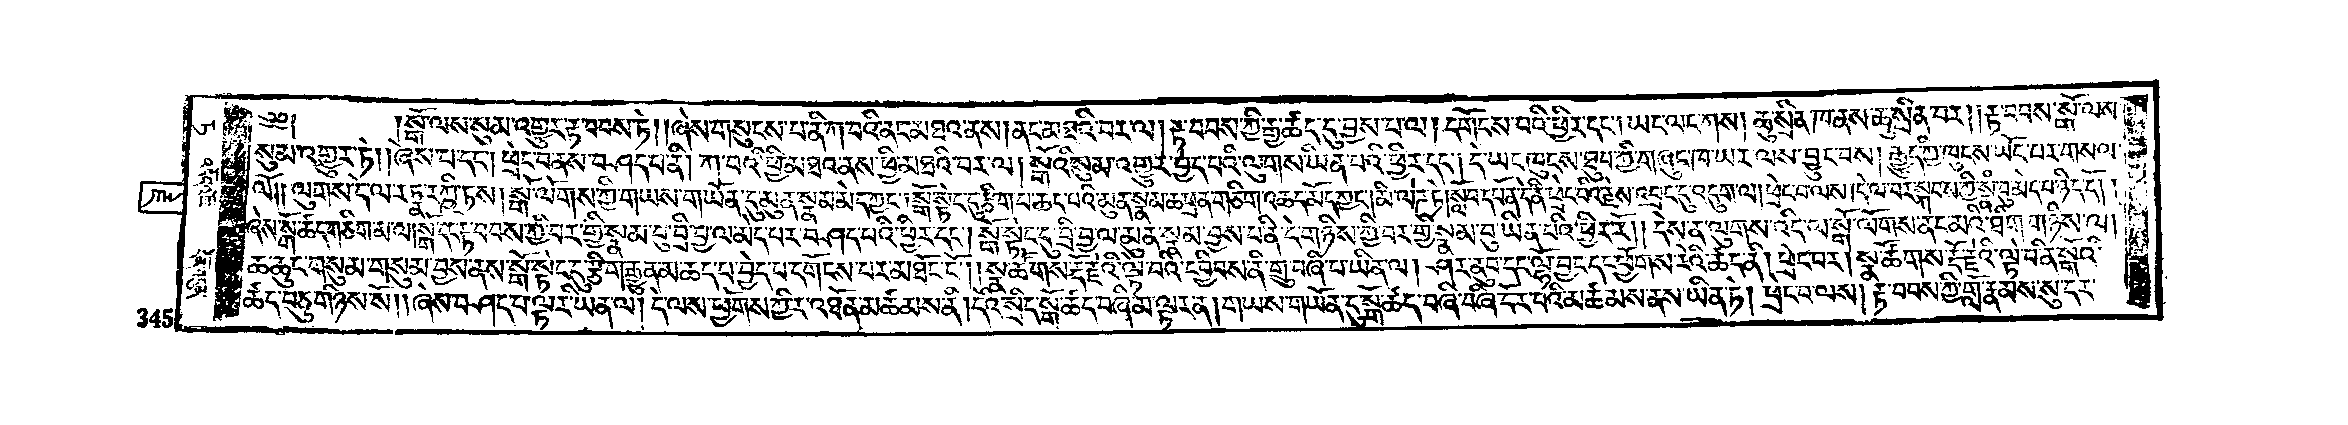༄༅། །སྒོ་ལས་སུམ་འགྱུར་རྟ་བབས་ཏེ། །ཞེས་གསུངས་པ་ནི་ཀ་བའི་ནང་མཐའ་ནས། ནང་མཐའི་བར་ལ། རྟ་བབས་ཀྱི་རྒྱ་ཚད་དུ་བྱས་པ་ལ། དགོངས་པའི་ཕྱིར་དང་། ཡང་ལང་ཀས། ཆུ་སྲིན་ཁ་ནས་ཆུ་སྲིན་བར། །རྟ་བབས་སྒོ་ལས་
སུམ་འགྱུར་ཏེ། །ཞེས་པ་དང་། ཕྲེང་བ་ནས་བཤད་པ་ནི། ཀ་བའི་ཕྱི་མཐའ་ནས་ཕྱི་མཐའི་བར་ལ། སྒོའི་སུམ་འགྱུར་བྱེད་པའི་ལུགས་ཡིན་པའི་ཕྱིར་དང་། དེ་ཡང་ཁུངས་ཐུབ་ཀྱི་གཞུང་ཁ་ཡར་ལས་བྱུང་བས། རྒྱུད་ཀྱི་ཁུངས་ཡོད་པར་གསལ་
ལོ། །ལུགས་དེ་ལ་རཏྣ་རཀྵི་ཏས། སྒོ་ལོགས་ཀྱི་གྱས་གྱོན་དུ་མུན་སྣམ་མེད་ཀྱང་། སྒོ་སྟེང་དུ་རྩིག་པ་ཆད་པའི་མུན་སྣམ་ཆ་ཕྲན་གཅིག་འཆད་མོད་ཀྱང་། མི་ལེགས་ཏེ། སློབ་དཔོན་དེ་ནི་ཕྲེང་བའི་རྗེས་འབྲང་དུ་འདུག་ལ། ཕྲེང་བ་ལས། དེ་ལ་བར་སྐབས་ཀྱི་སྣཾ་བུ་མེད་པ་ཉིད་དོ། །
ཞེས་སྒོ་ཚད་གཅིག་མ་ལ། སྒོ་དང་རྟ་བབས་ཀྱི་བར་གྱི་སྣམ་བུ་བྲི་བྱ་ལ་མེད་པར་བཤད་པའི་ཕྱིར་དང་། སྒོ་སྟེང་དུ་བྲི་བྱ་ལ་མུན་སྣམ་བྱས་པ་ནི་དེ་གཉིས་ཀྱི་བར་གྱི་སྣམ་བུ་ཡིན་པའི་ཕྱིར་རོ། །དེས་ན་ལུགས་འདི་ལ་སྒོ་ལོགས་ནང་མའི་ཐིག་གཉིས་ལ།
ཆ་ཆུང་གསུམ་གསུམ་བྱས་ནས་སྒོ་སྟེང་དུ་རྩིག་རྒྱུན་མ་ཆད་པ་བྱེད་པ་དགོངས་པར་མཐོང་ངོ། །སྣ་ཚོགས་རྡོ་རྗེའི་ལྟེ་བའི་དབྱིབས་ནི་གྲུ་བཞི་པ་ཡིན་ལ། ཤར་ནུབ་དང་ལྷོ་བྱང་དང་ཕྱོགས་རེའི་ཚད་ནི། ཕྲེང་བར། སྣ་ཚོགས་རྡོ་རྗེའི་ལྟེ་བ་ནི་སྒོའི་
ཚད་བཅུ་གཉིས་སོ། །ཞེས་བཤད་པ་ལྟར་ཡིན་ལ། དེ་ལས་ཕྱོགས་ཀྱི་རྭ་འཐོན་མཚམས་ནི། དེའི་སྲིད་སྒོ་ཚད་བཞི་མ་ལྟར་ན། གྱས་གྱོན་དུ་སྒོ་ཚད་བཞི་བཞི་དོར་བའི་མཚམས་ནས་ཡིན་ཏེ། ཕྲེང་བ་ལས། རྟ་བབས་ཀྱི་གློ་རྣམས་སུ་དར་